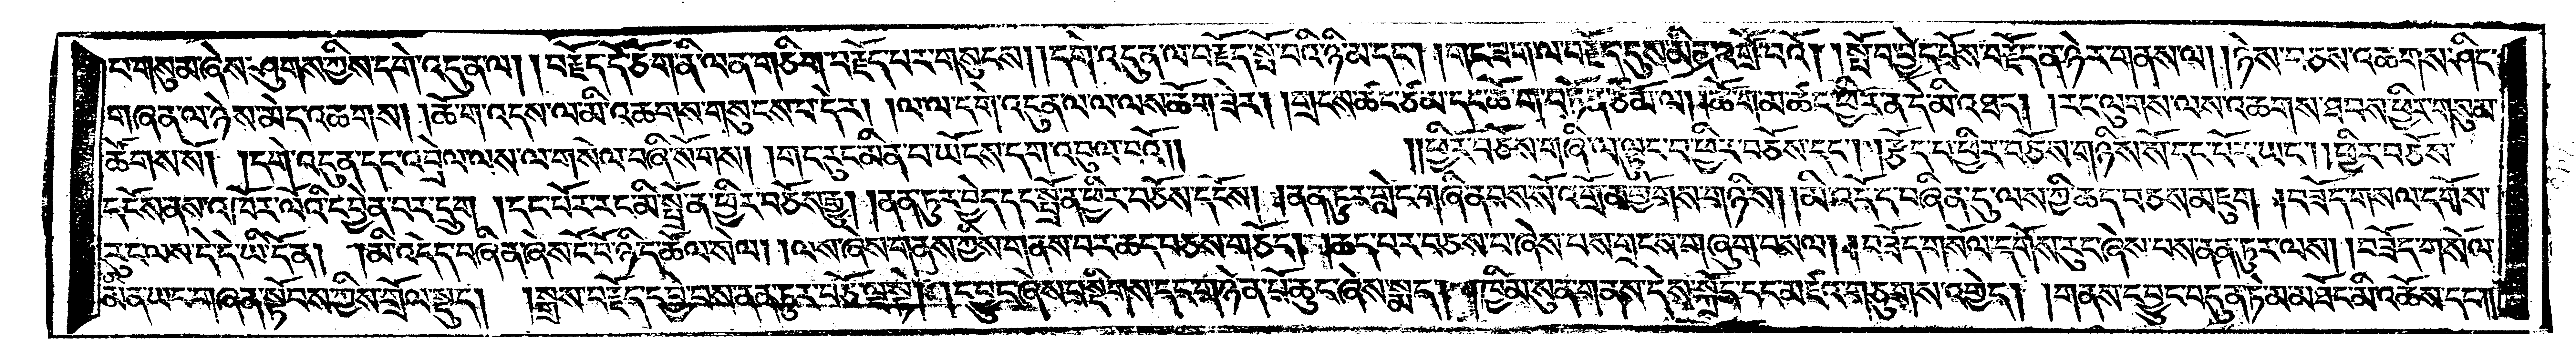ཕ་གསུམ་ཞེས་ཤུགས་ཀྱིས་དགེ་འདུན་ལ། །བརྗོད་དོ་ཅོག་ནི་ལན་གཅིག་བརྗོད་པར་གསུངས། །དགེ་འདུན་ལ་བརྗོད་སྤོ་བའི་ཉི་མ་དང་། །གང་ཟག་ལ་བརྗོད་དུས་མིན་འགྲོ་བའོ། །སྤོ་བ་བྱེད་པོས་བརྗོད་ན་ཉེར་གནས་ལ། །ཉེས་བཅས་འཆགས་ཤིང་
གཞན་ལ་ཉེས་མེད་འཆགས། །ཆོ་ག་འདས་ལ་མི་འཆགས་གསུངས་ཕ་དེར། །ལ་ལ་དགེ་འདུན་ལ་ལ་ལས་ཆོག་ཟེར། །གྲངས་ཚད་ཙམ་དང་ཆོ་ག་བཏོན་ཙམ་ལ། །ཆོག་མ་ཚང་ཕྱིར་ན་དེ་མི་འཐད། །རང་ལུགས་ལམ་འཆགས་ཐབས་ཕྱིར་གསུམ་
ཚོགས་སོ། །དགེ་འདུན་དང་འབྲེལ་ལས་ལ་གསེལ་བཞི་སོགས། །གང་རུང་མིན་པ་ཡོངས་དག་འབུལ་པའོ།། །།ཕྱིར་བཅོས་གཞི་ལ་ལྟུང་བ་ཕྱིར་བཅོས་དང་། །རྩོད་པ་ཕྱིར་བཅོས་གཉིས་སོ་དང་པོར་ཡང་། །ཕྱིར་བཅོས་
དབོས་ནས་འཁོར་ལོའི་དབྱེན་བར་དྲུག །དང་པོར་རང་མི་སྤྲོ་ན་ཕྱིར་བཅོས་རྒྱུ། །ནན་ཏུར་བྱེད་དང་སྤྲོ་ན་ཕྱིར་བཅོས་དངོས། །ནན་ཏུར་གླེང་གཞན་པས་སོ་འགྲོ་མགྱོགས་གཉིས། །མི་འདོད་བཞིན་དུ་ལས་ཀྱི་ཆད་བཅས་མཇུག །བཟོད་གསོལ་དགོས་
རུང་ལས་དེ་དེ་ཡི་དོན། །མི་འདེད་བཞིན་ཞེས་ངོ་བོ་ཉིད་ཚལ་སེལ། །ལས་ཞེས་གནས་ཀྱིས་གནས་བར་ཆད་བཅས་གཅོད། །ཆད་པར་བཅས་པ་ཞེས་པས་གྲངས་གཞུག་བསལ། །བཟོད་གསོལ་དགོས་རུང་ཞེས་པས་ནན་ཏུར་ལས། །བཟོད་གསོལ་
མིན་ཡང་གཞན་སྟོབས་ཀྱིས་གྲོལ་སྡུད། །སྒྲས་བརྗོད་དབྱེ་བས་ནན་ཏུར་བཅོ་ལྔ་སྟེ། །དབྱུང་ཞེས་བསྡིགས་དང་གཉེན་པོ་ཆུང་ཞེས་སྨད། །ཁྱིམ་སུན་གནས་དེས་སྐྲོད་དང་མཛའ་གཅུགས་འགྱེད། །གནས་དབྱུང་བདུན་ཏེ་མ་མཐོང་མི་འཆོས་དང།།